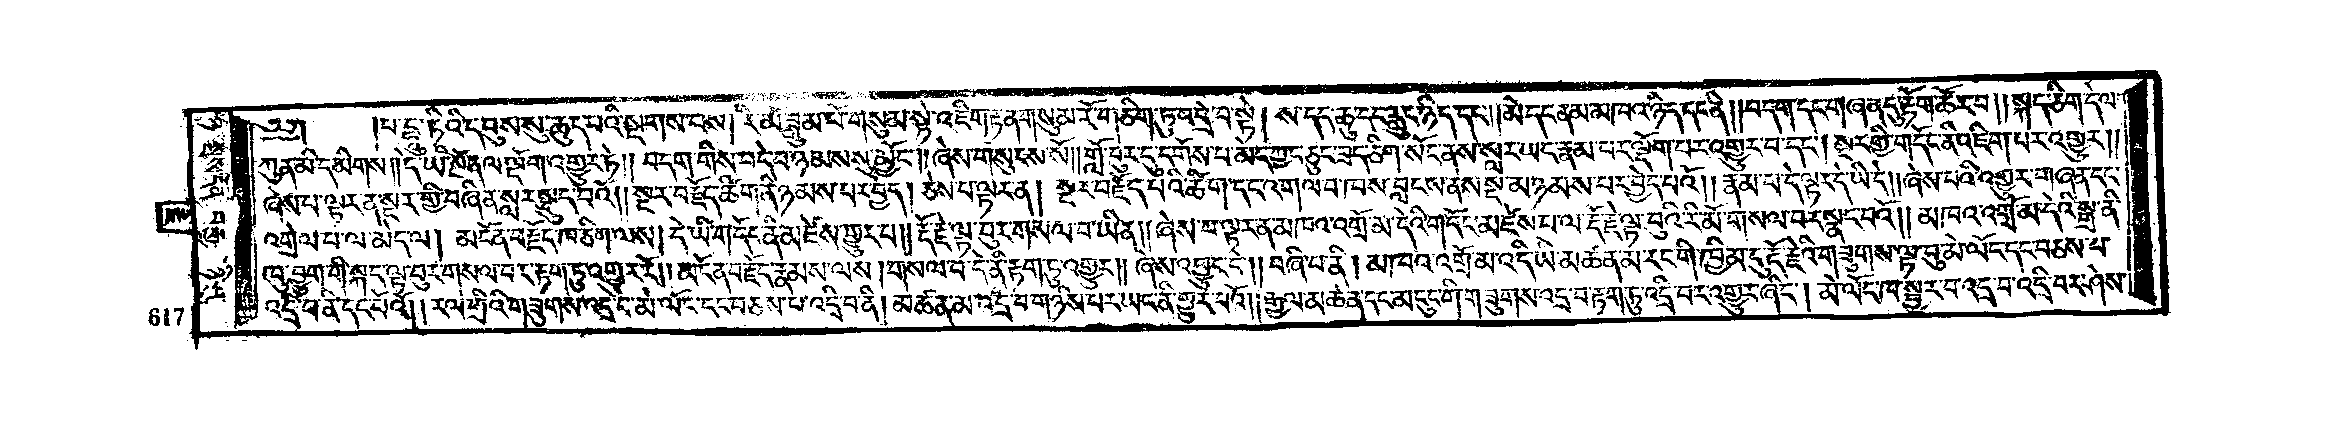༄༅། །པ་དྷཱུ་ཏིའི་དབུས་སུ་ཆུད་པའི་སྔགས་པས། རི་མོ་ཟླུམ་པོ་གསུམ་སྟེ་འཇིག་རྟེན་གསུམ་རོ་གཅིག་ཏུ་འདྲེ་བ་སྟེ། ས་དང་ཆུ་དང་རླུང་ཉིད་དང་། །མེ་དང་ནམ་མཁའ་ཉིད་དང་ནི། །བདག་དང་གཞན་དུ་རྟོག་ཚོར་བ། །སྐད་ཅིག་དེ་ལ་
ཀུན་མི་དམིགས། །དེ་ཡི་མོད་ལ་ལྡོག་འགྱུར་ཏེ། །བདག་གིས་བདེ་བ་ཉམས་སུ་མྱོང་། །ཞེས་གསུངས་སོ། །གློ་བུར་དུ་དགོས་པ་མེད་ཀྱང་ཅུང་ཟད་ཅིག་སོང་ནས་སླར་ཡང་རྣམ་པར་ལྡོག་པར་འགྱུར་བ་དང་། སྔར་གྱི་གདོང་ནི་འཇིག་པར་འགྱུར། །
ཞེས་པ་ལྟར་ན་སྔར་གྱི་བཞིན་སླར་སྡུད་པའོ། །སྔར་བརྗོད་ཚིག་ནི་ཉམས་པར་བྱེད། ཅེས་པ་ལྟར་ན། སྔར་བརྗོད་པའི་ཚིག་དང་འགལ་བ་ཁས་བླངས་ནས་སྔ་མ་ཉམས་པར་བྱེད་པའོ། །རྣམ་པ་དེ་ལྟར་དེ་ཡི་དེ། །ཞེས་པའི་འགྱུར་གཞན་དང་
འགྲེལ་པ་ལ་མེད་ལ། མངོན་བརྗོད་ཁ་ཅིག་ལས། དེ་ཡི་གདོང་ནི་མཛེས་གྱུར་པ། །རྡོ་རྗེ་ལྟ་བུར་གསལ་བ་ཡིན། །ཞེས་པ་ལྟར་ན་མཁའ་འགྲོ་མ་དེའི་གདོང་མཛེས་པ་ལ་རྡོ་རྗེ་ལྟ་བུའི་རི་མོ་གསལ་བར་སྣང་བའོ། །མཁའ་འགྲོ་མ་དེའི་སྒྲ་ནི་
ཁུ་བྱུག་གི་སྐད་ལྟ་བུར་གསལ་བར་རྟག་ཏུ་འགྱུར་རོ། །མངོན་བརྗོད་རྣམས་ལས། གསལ་བ་དེ་ནི་རྟག་ཏུ་འགྱུར། །ཞེས་འབྱུང་ངོ། །བཞི་པ་ནི། མཁའ་འགྲོ་མ་འདི་ཡི་མཚན་མ་རང་གི་ཁྱིམ་དུ་རྡོ་རྗེའི་གཟུགས་ལྟ་བུ་མེ་ལོང་དང་བཅས་པ་
འདྲི་བ་ནི་དང་པོའོ། །རལ་གྲིའི་གཟུགས་འདྲ་བ་མེ་ལོང་དང་བཅས་པ་འདྲི་བ་ནི། མཚན་མ་འདྲི་བ་གཉིས་པར་ཡང་ནི་གྱུར་པའོ། །རྒྱལ་མཚན་དང་མདུང་གི་གཟུགས་འདྲ་བ་རྟག་ཏུ་འདྲི་བར་འགྱུར་ཞིང་། མེ་ལོང་ཁ་སྦྱར་བ་འདྲ་བ་འདྲི་བར་ཤེས་